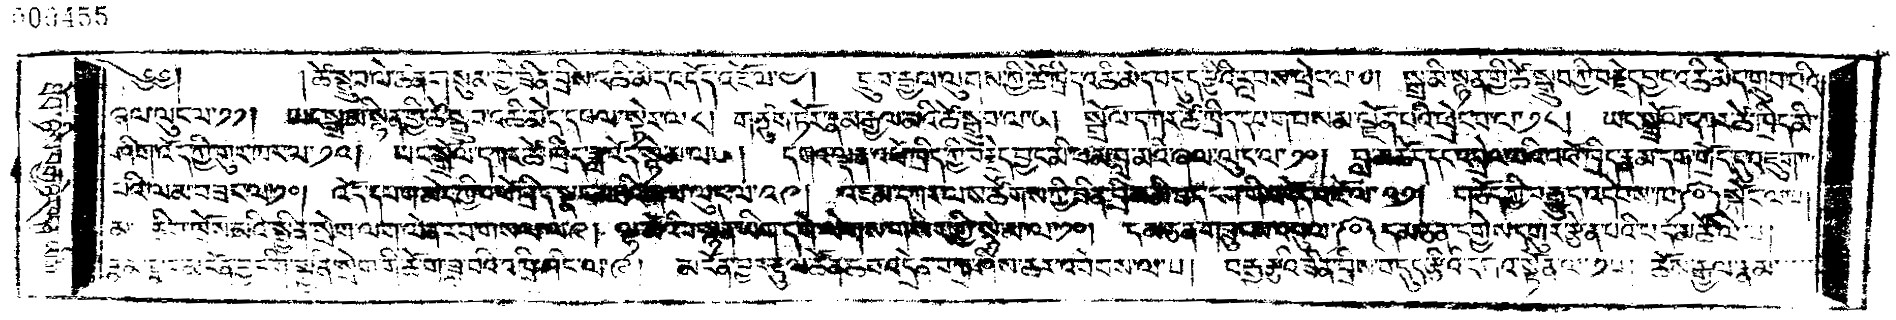༄༅། །ཚེ་སྒྲུབ་ལེ་ཚན་གསུམ་གྱི་ཟིན་བྲིས་འཆི་མེད་འདོད་འཇོ་ལ ༤། གྲུབ་རྒྱལ་ལུགས་ཀྱི་ཚེ་ཁྲིད་འཆི་མེད་བདུད་རྩིའི་རླབས་ཕྲེང་ལ ༧། སྒྲ་མི་སྙན་གྱི་ཚེ་སྒྲུབ་ཀྱི་བརྗེད་བྱང་འཆི་མེད་གྲུབ་པའི་
ཞལ་ལུང་ལ ༡༡། ཡང་སྒྲ་མ་སྙིན་གྱི་ཚེ་སྒྲུབ་འཆི་མེད་དཔལ་སྟེར་ལ ༨། གཙུག་ཏོར་རྣམ་རྒྱལ་མའི་ཚེ་སྒྲུབ་ལ ༦། སྒྲོལ་དཀར་ཚེ་ཁྲིད་དཔག་བསམ་ལྗོན་པའི་ཕྲེང་བ་ལ ༡༨། ཡང་སྒྲོལ་དཀར་ཚེ་ཁྲིད་མི་
ཤིག་འོད་ཀྱི་གུར་ཁང་ལ ༡༢། ཡང་སྒྲོལ་དཀར་ཚེ་ཁྲིད་ཟླ་འོད་སྙེ་མ་ལ ༦། དགའ་ལྡན་འཕོ་ཁྲིད་ཀྱི་བརྗེད་བྱང་མི་ཕམ་བླ་མའི་ཞལ་ལུང་ལ ༡༠། བླ་མཆོད་དང་འབྲེལ་བའི་འཕོ་ཁྲིད་རྣམ་དག་གྲོང་དུ་འཇུག་
པའི་ལམ་བཟང་ལ ༡༠། འོད་དཔག་མེད་ཀྱི་འཕོ་ཁྲིད་སྣང་མཐའི་ཞལ་ལུང་ལ ༢༩། འཇམ་དཀར་ལས་ཚོགས་ཀྱི་ཟིན་བྲིས་མི་ཟད་ངག་གི་འདོད་འཇོ་ལ ༢༡། གཅོད་ཀྱི་བརྒྱུད་འདེབས་ཁ ༼྾༽ སྐོང་ལ ༥།
མ་ཅིག་ཁྲོས་མའི་སྦྱིན་སྲེག་ལག་ལེན་རབ་གསལ་ལ ༩། ལྷ་མོའི་བསྙེན་ཡིག་དགེ་ལེགས་གསེར་གྱི་སྙེ་མ་ལ ༡༠། དམ་ཅན་གཟུངས་འབུལ ༼྾༽ དམ་ཅན་དགྱེས་དགུར་རྩེན་པའི་པད་མཚོ་ལ ༥།
རྣམ་སྣང་མངོན་བྱང་གི་སྦྱིན་སྲེག་གི་ཆོ་ག་ཟླ་བའི་འཁྲི་ཤིང་ལ ༩། མངོན་བྱང་རྟུལ་ཚོན་ཆབ་འདྲེན་བཀྲ་ཤིས་ཆར་འབེབས་ལ ༥། བརྒྱ་རྩའི་ཟིན་བྲིས་བདུད་རྩིའི་དགའ་སྟོན་ལ ༡༥། ཆོས་རྒྱལ་རྣམ་